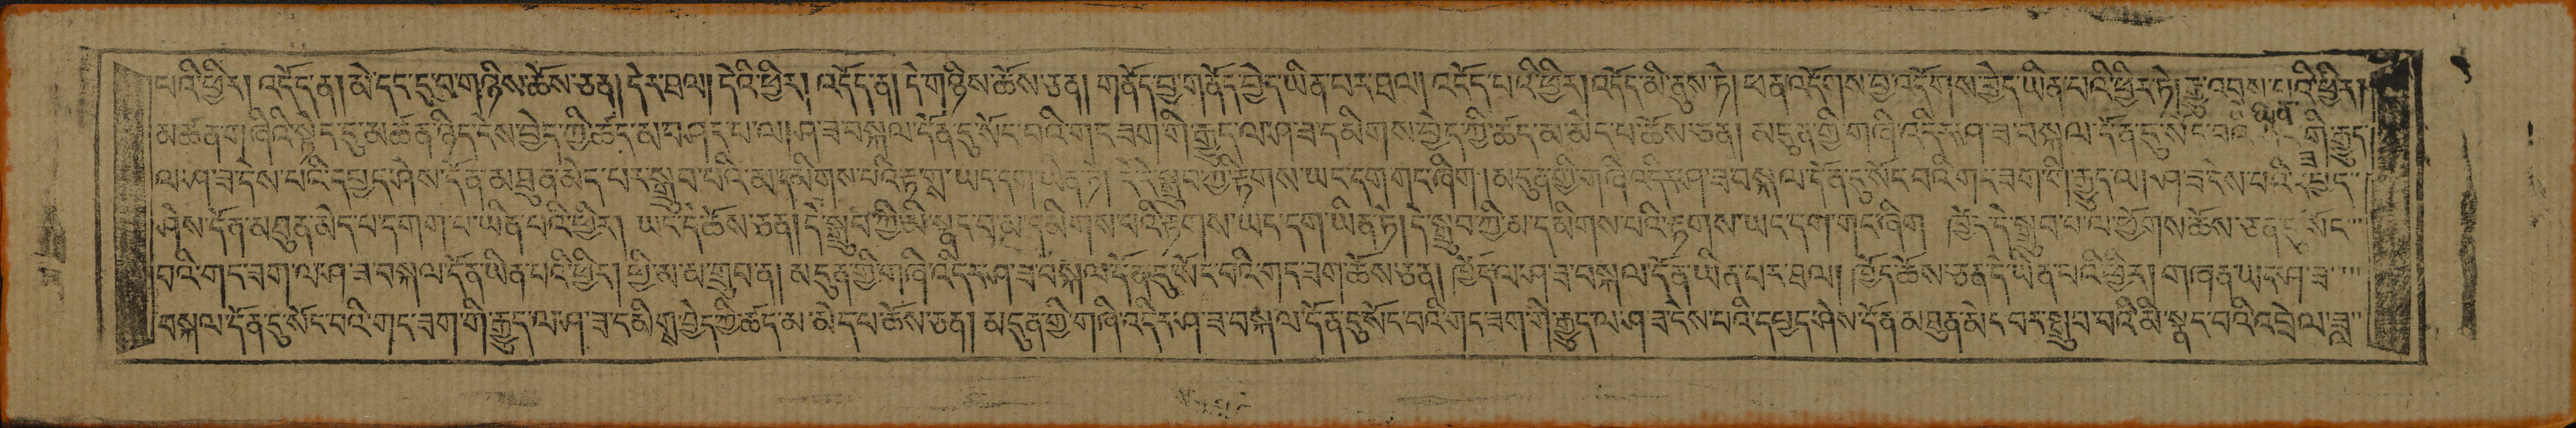པའི་ཕྱིར། འདོད་ན། མེ་དང་དུ་བ་གཉིས་ཆོས་ཅན། དེར་ཐལ། དེའི་ཕྱིར། འདོད་ན། དེ་གཉིས་ཆོས་ཅན། གནོད་བྱ་གནོད་བྱེད་ཡིན་པར་ཐལ། འདོད་པའི་ཕྱིར། འདོད་མི་ནུས་ཏེ། ཕན་འདོགས་བྱ་འདོགས་བྱེད་ཡིན་པའི་ཕྱིར་ཏེ། རྒྱུ་འབྲས་ཡིན་པའི་ཕྱིར།
མཚན་གཞིའི་སྟེང་དུ་མཚན་ཉིད་ངེས་བྱེད་ཀྱི་ཚད་མ་བཤད་པ་ལ། ཤ་ཟ་བསྐལ་དོན་དུ་སོང་བའི་གང་ཟག་གི་རྒྱུད་ལ་ཤ་ཟ་དམིགས་བྱེད་ཀྱི་ཚད་མ་མེད་པ་ཆོས་ཅན། མདུན་གྱི་གཞི་འདིར་ཤ་ཟ་བསྐལ་དོན་དུ་སོང་བའི་གང་ཟག་གི་རྒྱུད་
ལ་ཤ་ཟ་ངེས་པའི་དཔྱད་ཤེས་དོན་མཐུན་མེད་པར་སྒྲུབ་པའི་མ་དམིགས་པའི་རྟ་གས་ཡང་དག་ཡིན་ཏེ། དེ་དེ་སྒྲུབ་ཀྱི་རྟགས་ཡང་དག་གང་ཞིག །མདུན་གྱི་གཞི་འདིར་ཤ་ཟ་བསྐལ་དོན་དུ་སོང་བའི་གང་ཟག་གི་རྒྱུད་ལ། ཤ་ཟ་ངེས་པའི་དཔྱད་
ཤེས་དོན་མཐུན་མེད་པ་དགག་པ་ཡིན་པའི་ཕྱིར། ཡང་དེ་ཆོས་ཅན། དེ་སྒྲུབ་ཀྱི་མི་སྣང་བ་མ་དམིགས་པའི་རྟགས་ཡང་དག་ཡིན་ཏེ། དེ་སྒྲུབ་ཀྱི་མ་དམིགས་པའི་རྟགས་ཡང་དག་གང་ཞིག །ཁྱོད་དེ་སྒྲུབ་པ་ལ་ཕྱོགས་ཆོས་ཅན་དུ་སོང་
བའི་གང་ཟག་ལ་ཤ་ཟ་བསྐལ་དོན་ཡིན་པའི་ཕྱིར། ཕྱི་མ་མ་གྲུབ་ན། མདུན་གྱི་གཞི་འདིར་ཤ་ཟ་བསྐལ་དོན་དུ་སོང་བའི་གང་ཟག་ཆོས་ཅན། ཁྱོད་ལ་ཤ་ཟ་བསྐལ་དོན་ཡིན་པར་ཐལ། ཁྱོད་ཆོས་ཅན་དེ་ཡིན་པའི་ཕྱིར། གཞན་ཡང་ཤ་ཟ་
བསྐལ་དོན་དུ་སོང་བའི་གང་ཟག་གི་རྒྱུད་ལ་ཤ་ཟ་དམིགས་བྱེད་ཀྱི་ཚད་མ་མེད་པ་ཆོས་ཅན། མདུན་གྱི་གཞི་འདིར་ཤ་ཟ་བསྐལ་དོན་དུ་སོང་བའི་གང་ཟག་གི་རྒྱུད་ལ་ཤ་ཟ་ངེས་པའི་དཔྱད་ཤེས་དོན་མཐུན་མེད་པར་སྒྲུབ་པའི་མི་སྣང་བའི་འབྲེལ་ཟླ་